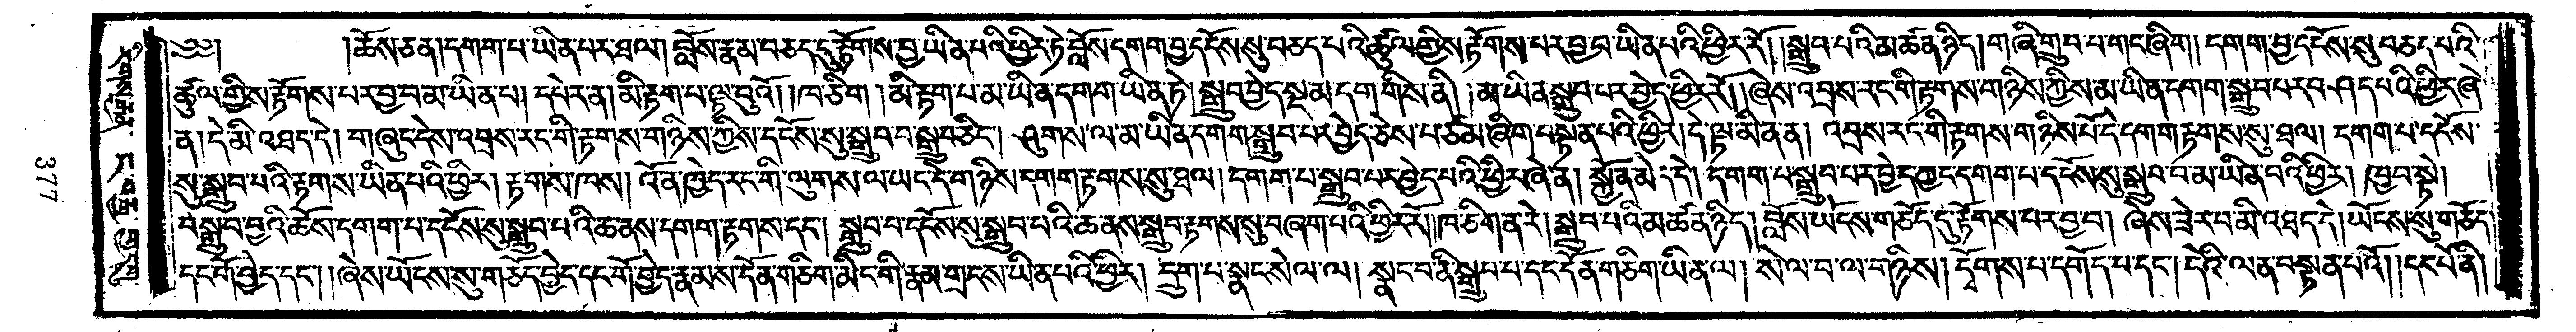༄༅། །ཆོས་ཅན། དགག་པ་ཡིན་པར་ཐལ། བློས་རྣམ་བཅད་དུ་རྟོགས་བྱ་ཡིན་པའི་ཕྱིར་ཏེ་བློས་དགག་བྱ་དངོས་སུ་བཅད་པའི་ཚུལ་གྱིས་རྟོགས་པར་བྱ་བ་ཡིན་པའི་ཕྱིར་རོ། །སྒྲུབ་པའི་མཚན་ཉིད། གཞི་གྲུབ་པ་གང་ཞིག ། དགག་བྱ་དངོས་སུ་བཅད་པའི་
ཚུལ་གྱིས་རྟོགས་པར་བྱ་བ་མ་ཡིན་པ། དཔེར་ན། མི་རྟག་པ་ལྟ་བུའོ། །ཁ་ཅིག །མི་རྟག་པ་མ་ཡིན་དགག་ཡིན་ཏེ། སྒྲུབ་བྱེད་སྔ་མ་དག་གིས་ནི། །མ་ཡིན་སྒྲུབ་པར་བྱེད་ཕྱིར་རོ། །ཞེས་འབྲས་རང་གི་རྟགས་གཉིས་ཀྱིས་མ་ཡིན་དགག་སྒྲུབ་པར་བཤད་པའི་ཕྱིར་ཞེ་
ན། དེ་མི་འཐད་དེ། གཞུང་དེས་འབྲས་རང་གི་རྟགས་གཉིས་ཀྱིས་དངོས་སུ་སྒྲུབ་པ་སྒྲུབ་ཅིང་། ཤུགས་ལ་མ་ཡིན་དགག་སྒྲུབ་པར་བྱེད་ཅེས་པ་ཙམ་ཞིག་བསྟན་པའི་ཕྱིར། དེ་ལྟ་མིན་ན། འབྲས་རང་གི་རྟགས་གཉིས་པོ་དེ་དགག་རྟགས་སུ་ཐལ། དགག་པ་དངོས་
སུ་སྒྲུབ་པའི་རྟགས་ཡིན་པའི་ཕྱིར། རྟགས་ཁས། འོ་ན་ཁྱེད་རང་གི་ལུགས་ལ་ཡང་དེ་གཉིས་དགག་རྟགས་སུ་ཐལ། དགག་པ་སྒྲུབ་པར་བྱེད་པའི་ཕྱིར་ཞེ་ན། སྐྱོན་མེད་དེ། དགག་པ་སྒྲུབ་པར་བྱེད་ཀྱང་དགག་པ་དངོས་སུ་སྒྲུབ་པ་མ་ཡིན་པའི་ཕྱིར། ཁྱབ་སྟེ།
བསྒྲུབ་བྱའི་ཆོས་དགག་པ་དངོས་སུ་སྒྲུབ་པའི་ཆ་ནས་དགག་རྟགས་དང་། སྒྲུབ་པ་དངོས་སུ་སྒྲུབ་པའི་ཆ་ནས་སྒྲུབ་རྟགས་སུ་བཞག་པའི་ཕྱིར་རོ། །ཁ་ཅིག་ན་རེ། སྒྲུབ་པའི་མཚན་ཉིད། བློས་ཡོངས་གཅོད་དུ་རྟོགས་པར་བྱ་བ། ཞེས་ཟེར་བ་མི་འཐད་དེ། ཡོངས་སུ་གཅོད་
དང་གོ་བྱེད་དང་། །ཞེས་ཡོངས་སུ་གཅོད་བྱེད་དང་གོ་བྱེད་རྣམས་དོན་གཅིག་མིང་གི་རྣམ་གྲངས་ཡིན་པའི་ཕྱིར། དྲུག་པ་སྣང་སེལ་ལ། སྣང་བ་ནི་སྒྲུབ་པ་དང་དོན་གཅིག་ཡིན་ལ། སེལ་བ་ལ་གཉིས། དྭོགས་པ་དགོད་པ་དང་། དེའི་ལན་བསྟན་པའོ། །དང་པོ་ནི།